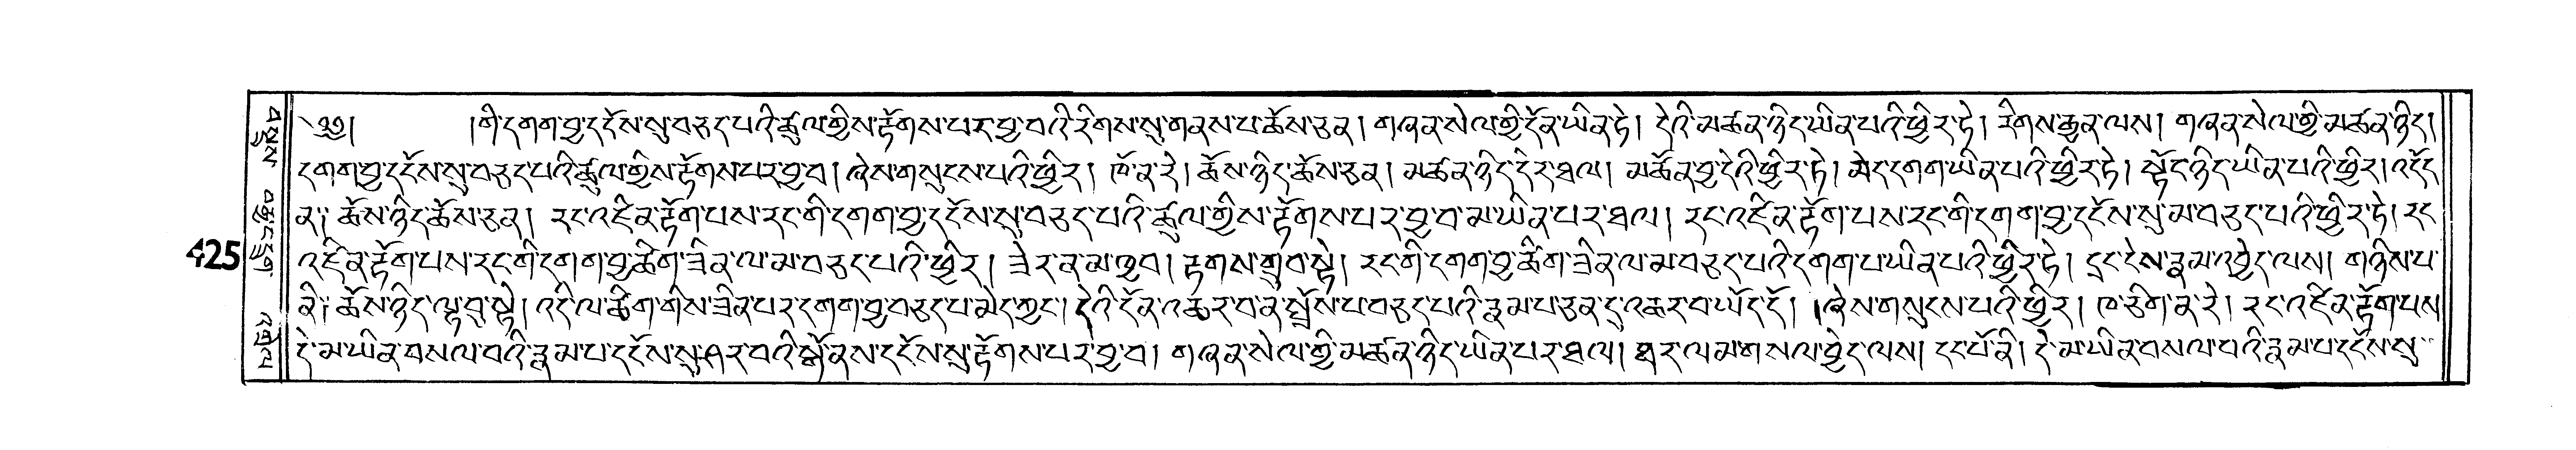༄༅། །གི་དགག་བྱ་དངོས་སུ་བཅད་པའི་ཚུལ་གྱིས་རྟོགས་པར་བྱ་བའི་རིགས་སུ་གནས་པ་ཆོས་ཅན། གཞན་སེལ་གྱི་དོན་ཡིན་ཏེ། དེའི་མཚན་ཉིད་ཡིན་པའི་ཕྱིར་ཏེ། རིགས་རྒྱན་ལས། གཞན་སེལྒྱི་མཚན་ཉིད་
དགག་བྱ་དངོས་སུ་བཅད་པའི་ཚུལ་གྱིས་རྟོགས་པར་བྱ་བ། ཞེས་གསུགནས་པའི་ཕྱིར། ཁོ་ན་རེ། ཆོས་ཉིད་ཆོས་ཅན། མཚན་ཉིད་དེར་ཐལ། མཚོན་བྱ་དེའི་ཕྱིར་ཏེ། མེད་དགག་ཡིན་པའི་ཕྱིར་ཏེ། སྟོང་ཉིད་ཡིན་པའི་ཕྱིར། འདོད་
ན༑ ཆོས་ཉིད་ཆོས་ཅན། རང་འཛིན་རྟོག་པས་རན་གྒི་དགག་བྱ་དངོས་སུ་བཅད་པའི་ཚུལ་གྱིས་རྟོགས་པར་བྱ་བ་མ་ཡིན་པར་ཐལ། རང་འཛིན་རྟོག་པས་རང་གི་དགག་བྱ་དངོས་སུ་མ་བཅད་པའི་ཕྱིར་ཏེ། རང་
འཛིན་རྟོག་པས་རང་གི་དགག་བྱ་ཚིག་ཟིན་ལ་མ་བཅད་པའི་ཕྱིར། ཟེར་ན་མ་ཁྱབ། རྟགས་གྲུབ་སྟེ། རང་གི་དགག་བྱ་ཚིག་ཟིན་ལ་མ་བཅད་པའི་དགག་པ་ཡིན་པའི་ཕྱིར་ཏེ། དྲང་ངེས་རྣམ་འབྱེད་ལས། གཉིས་པ་
ནི༑ ཆོས་ཉིད་ལྟ་བུ་སྟེ། འདི་ལ་ཚིག་གིས་ཟིན་པར་དགག་བྱ་བཅད་པ་མེད་ཀྱང་། དེའི་དོན་འཆར་བ་ན་སྤྲོས་པ་བཅད་པའི་རྣམ་པ་ཅན་དྲ་འཆར་བ་ཡོད་དོ། །ཞེས་གསུངས་པའི་ཕྱིར། ཁ་ཅིག་ན་རེ། རང་འཛིན་རྟོག་པས་
དེ་མ་ཡིན་བསླ་བའི་རྣམས་པ་དངོས་སུ་ཤར་བའི་སྒོ་ནས་དངོས་རྟོགས་པར་བྱ་བ། གཞན་སེལ་གྱི་མཚན་ཉིད་ཡིན་པར་ཐལ། ཐར་ལམ་གསལ་བྱེད་ལས། དང་པོ་ནི། དེ་མ་ཡིན་བསླ་བའི་རྣམ་པ་དངོས་སུ་